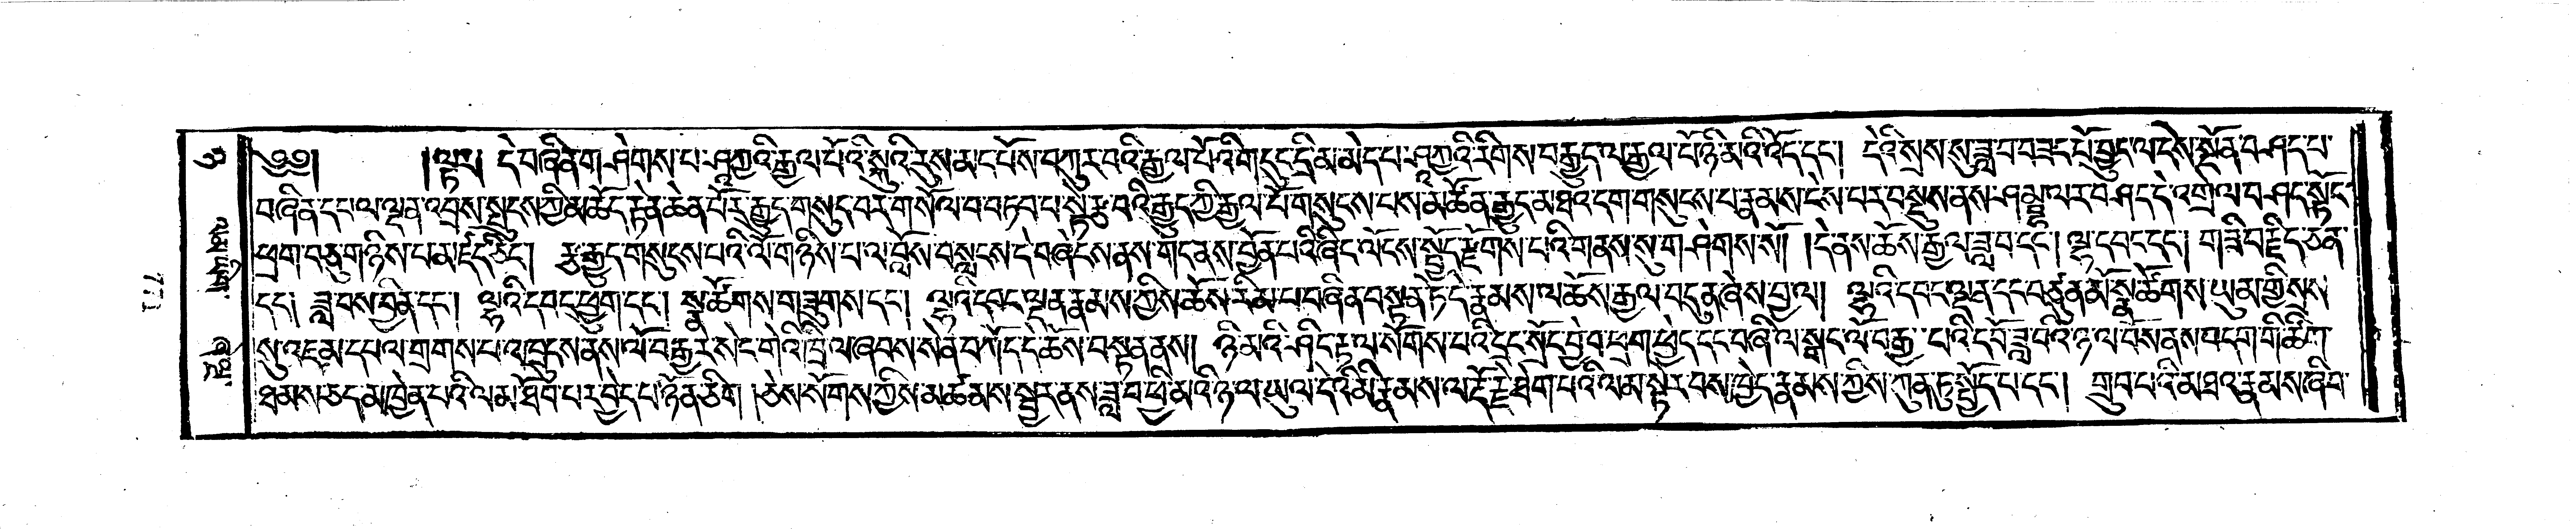༄༅། །ལྟར། དེ་བཞིན་གཤེགས་པ་ཤཱཀྱའི་རྒྱལ་པོའི་སྐུའི་རུས་མང་པོས་བཀུར་པའི་རྒྱལ་པོའི་གདུང་དྲི་མ་མེད་པ་ཤཱཀྱའི་རིགས་བརྒྱུད་ལ་རྒྱལ་པོ་ཉི་མའི་འོད་དང་། དེའི་སྲས་སུ་ཟླ་བ་བཟང་པོ་བྱུང་ལ་དེས་སྔོན་བཤད་པ་
བཞིན་དཔལ་ལྡན་འབྲས་སྤུངས་ཀྱི་མཆོད་རྟེན་ཆེན་པོར་རྒྱུད་གསུང་བར་གསོལ་བ་བཏབ་པ་སྟེ་རྩ་བའི་རྒྱུད་ཀྱི་རྒྱལ་པོ་གསུངས་པས་མཚོན་རྒྱུད་མཐའ་དག་གསུངས་པ་རྣམས་ངེས་པར་བསྡུས་ནས་ཤམྦྷ་ལར་བཤད་དེ་འགྲེལ་བཤད་སྟོང་
ཕྲག་བཅུ་གཉིས་པ་མཛད་ཅིང་། རྩ་རྒྱུད་གསུངས་པའི་ལོ་གཉིས་པ་ལ་བློས་བསླངས་དེ་བཞེངས་ནས་གང་ནས་བྱོན་པའི་ཞིང་ལོངས་སྤྱོད་རྫོགས་པའི་གནས་སུ་གཤེགས་སོ། །དེ་ནས་ཆོས་རྒྱལ་ཟླ་བ་དང་། ལྷ་དབང་དང་། གཟི་བརྗིད་ཅན་
དང་། ཟླ་བས་བྱིན་དང་། ལྷའི་དབང་ཕྱུག་དང་། སྣ་ཚོགས་གཟུགས་དང་། ལྷའི་དབང་ལྡན་རྣམས་ཀྱིས་ཆོས་རིམ་པ་བཞིན་བསྟན་ཏེ་དེ་རྣམས་ལ་ཆོས་རྒྱལ་བདུན་ཞེས་བྱ་ལ། ལྷའི་དབང་ལྡན་དང་བཙུན་མོ་སྣ་ཚོགས་ཡུམ་གྱི་སྲས་
སུ་འཇམ་དཔལ་གྲགས་པ་འཁྲུངས་ནས་ལོ་བརྒྱར་སེང་གེའི་ཁྲིལ་ཞབས་སེན་བཀོད་དེ་ཆོས་བསྟན་ནས། ཉི་མའི་ཤིང་རྟ་ལ་སོགས་པའི་དྲང་སྲོང་བྱེ་བ་ཕྲག་ཕྱེད་དང་བཞི་ལ་སྒང་ལོ་བརྒྱ་བའི་དབོ་ཟླ་བའི་ཉ་ལ་བོས་ནས་བདག་གི་ཚིག་
ཐམས་ཅད་མཁྱེན་པའི་ལམ་ཐོབ་པར་བྱེད་པ་ཉོན་ཅིག །ཅེས་སོགས་ཀྱིས་མཚམས་སྦྱར་ནས་ཟླ་བ་ཕྱི་མའི་ཉ་ལ་ཡུལ་དེའི་མི་རྣམ་ལ་རྡོ་རྗེ་ཐེག་པའི་ལམ་སྟེར་བས་ཁྱེད་རྣམས་ཀྱིས་ཀུན་ཏུ་སྤྱོད་པ་དང་། གྲུབ་པའི་མཐའ་རྣམས་ཞིབ་